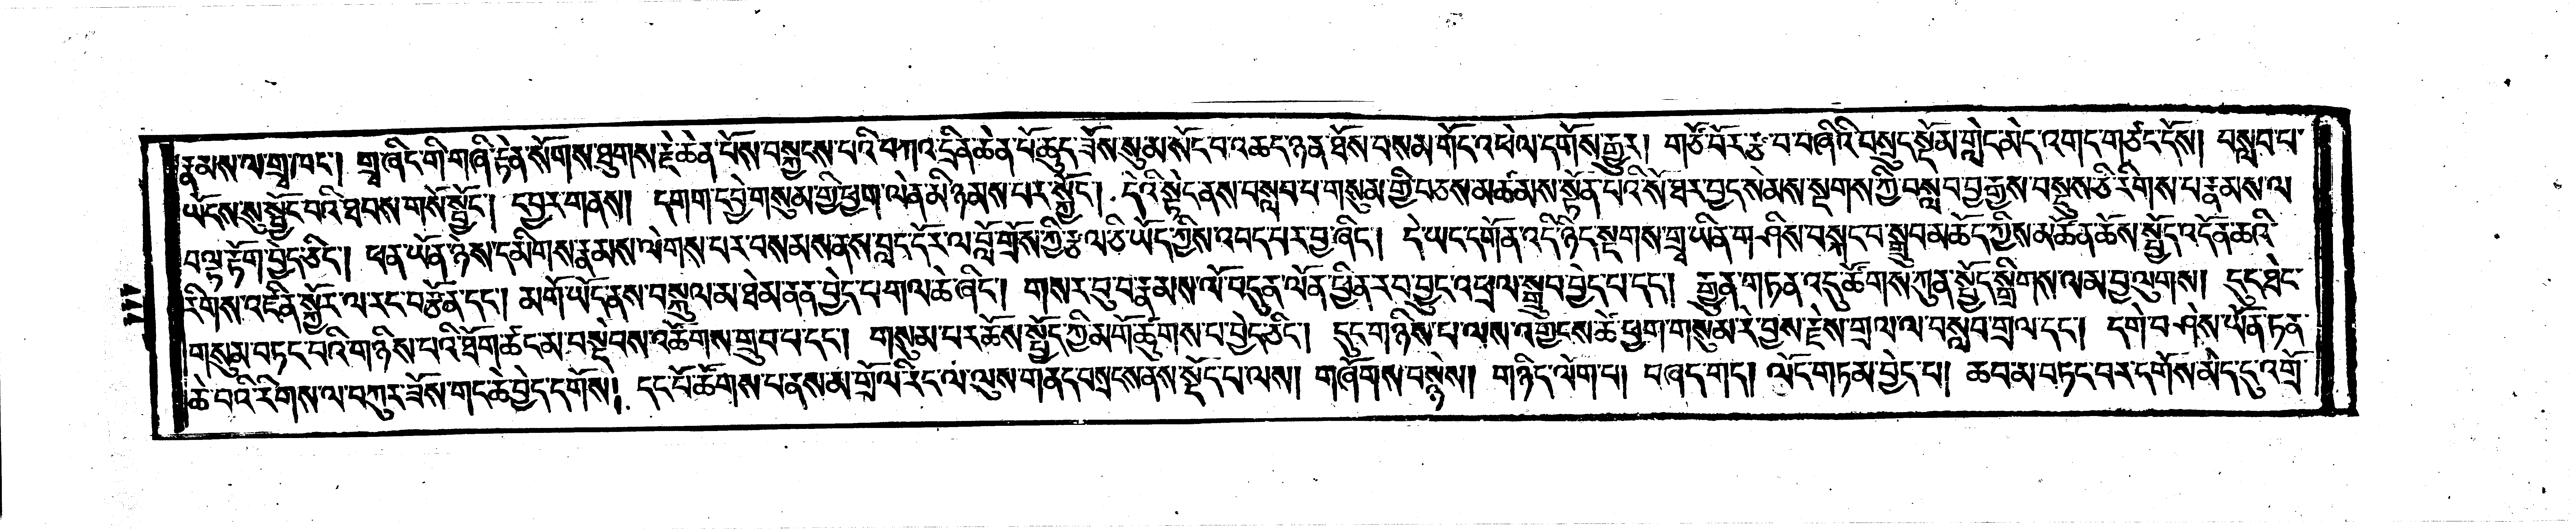རྣམས་ལ་གྲྭ་ཁང་། གྲྭ་ཞིང་གི་གཞི་རྟེན་སོགས་ཐུགས་རྗེ་ཆེན་པོས་བསྐྱངས་པའི་བཀའ་དྲིན་ཆེན་པོ་ཆུད་ཟོས་སུ་མ་སོང་བ་འཆད་ཉན་ཐོས་བསམ་གོང་འཕེལ་དགོས་རྒྱུར། གཙོ་བོར་རྩ་བ་བཞིའི་བསྲུད་སྡོམ་གླེང་མེད་འགད་གཙང་དོས། བསླབ་པ་
ཡོངས་སུ་སྦྱོང་བའི་ཐབས་གསོ་སྦྱོང་། དབྱར་གནས། དགག་དབྱེ་གསུམ་གྱི་ཕྱག་ལེན་མི་ཉམས་པར་སྐྱོང་། དེའི་སྟེང་ནས་བསླབ་པ་གསུམ་གྱི་བཅས་མཚམས་སྟོན་པའི་སོ་ཐར་བྱད་སེམས་སྔགས་ཀྱི་བསླབ་བྱ་རྒྱས་བསྡུས་ཅི་རིགས་པ་རྣམས་ལ་
བལྟ་རྟོག་བྱེད་ཅིང་། ཕན་ཡོན་ཉེས་དམིགས་རྣམས་ལེགས་པར་བསམས་ནས་བླང་དོར་ལ་བློ་གྲོས་ཀྱི་རྩལ་ཅི་ཡོད་ཀྱིས་འབད་པར་བྱ་ཞིང་། དེ་ཡང་དགོན་འདི་ཉིད་སྔགས་གྲྭ་ཡིན་གཤིས་བསྐང་བསྒྲུབ་མཆོད་ཀྱིས་མཚོན་ཆོས་སྦྱོད་འདོན་ཆའི་
རིགས་འཛིན་སྐྱོར་ལ་རང་བརྩོན་དང་། མགོ་ཡོད་ནས་བསྐུལ་མ་ཐེམ་ནན་བྱེད་པ་གལ་ཆེ་ཞིང་། གསར་བུ་བ་རྣམས་ལོ་བདུན་ལོན་ཕྱིན་རབ་བྱུང་འཕྲལ་སྒྲུབ་བྱེད་པ་དང་། རྒྱུན་གཏན་འདུ་ཚོགས་ཀུན་སྤྱོད་སྒྲིགས་ལམ་བྱ་ལུགས། དུད་ཐེང་
གསུམ་བཏང་བའི་གཉིས་པའི་ཐོག་ཚང་མ་བསྡེབས་འཚོགས་གྲུབ་པ་དང་། གསུམ་པར་ཆོས་སྤྱོད་ཀྱི་མགོ་ཚུགས་པ་བྱེད་ཅིང་། དུང་གཉིས་པ་ལས་འགྱངས་ཚེ་ཕྱག་གསུམ་རེ་བྱས་རྗེས་གྲལ་ལ་བསླབ་གྲལ་དང་། དགེ་བཤེས་ཡོན་ཏན་
ཆེ་བའི་རིགས་ལ་བཀུར་ཟོས་གང་ཆེ་བྱེད་དགོས། དང་པོ་ཚོགས་པ་ནས་མ་གྲོལ་རིང་ལ་ལུས་གནད་བསྲངས་ནས་སྡོད་པ་ལས། གཞོགས་བསྙེས། གཉིད་ལོག་པ། བཞད་གད། ལོང་གཏམ་བྱེད་པ། ཆབ་མ་བཏང་བར་དགོས་མེད་དུ་འགྲོ་